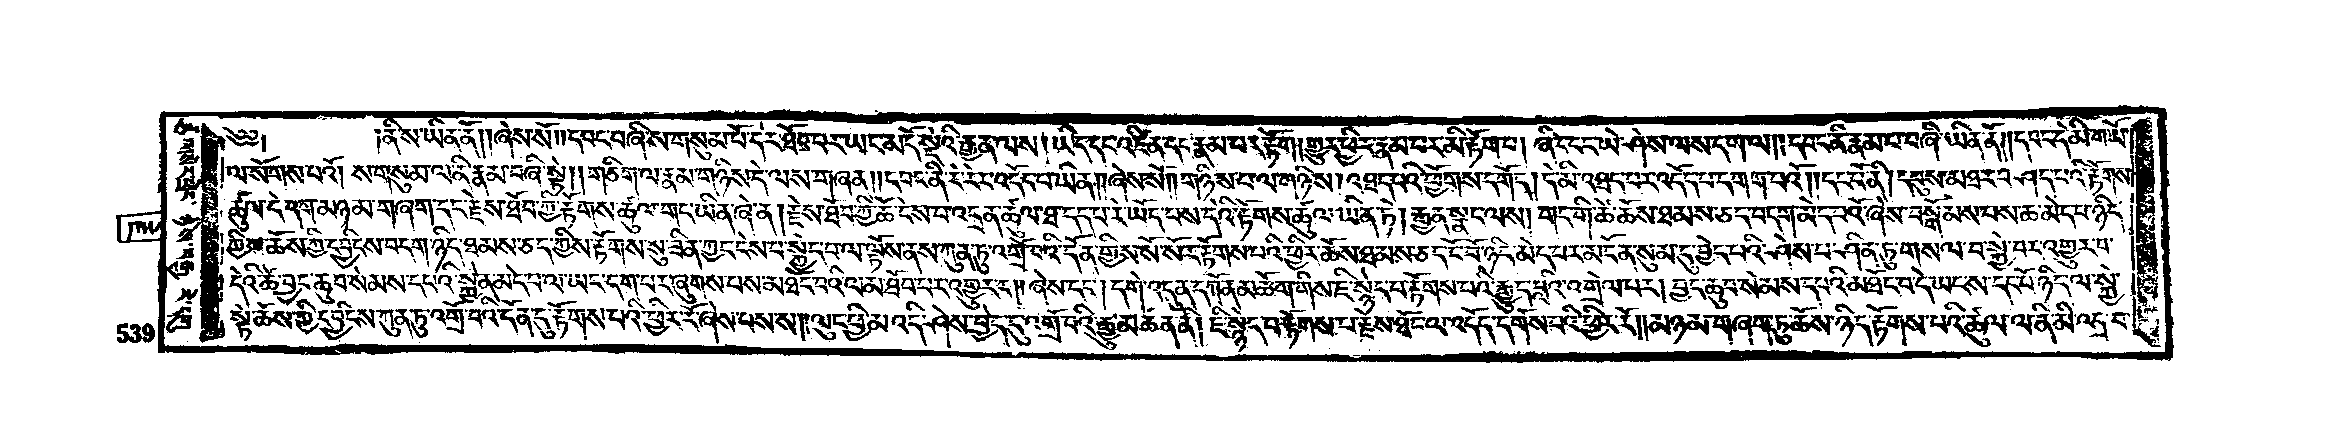༄༅། །ནི་ས་ཡིན་ནོ། །ཞེས་སོ། །དབང་བཞི་ས་གསུམ་པོ་དེར་ཐོབ་པར་ཡང་མདོ་སྡེའི་རྒྱན་ལས། ཡིད་དང་འཛིན་དང་རྣམ་པར་རྟོག །གྱུར་ཕྱིར་རྣམ་པར་མི་རྟོག་པ། ཞིང་དང་ཡེ་ཤེས་ལས་དག་ལ། །དབང་ནི་རྣམ་པ་བཞི་ཡིན་ནོ། །དབང་དེ་མི་གཡོ་
ལ་སོགས་པའི། ས་གསུམ་ལ་ནི་རྣམ་བཞི་སྟེ། །གཅིག་ལ་རྣམ་གཉིས་དེ་ལས་གཞན། །དབང་ནི་རེ་རེར་འདོད་པ་ཡིན། །ཞེས་སོ། །གཉིས་པ་ལ་གཉིས། འཐད་པའི་ཕྱོགས་དགོད། དེ་མི་འཐད་པར་འདོད་པ་དགག་པའི། །དང་པོ་ནི། དབུས་མཐར་བཤད་པའི་རྟོགས་
ཚུལ་དེ་དག་མཉམ་གཞག་དང་རྗེས་ཐོབ་ཀྱི་རྟོགས་ཚུལ་གང་ཡིན་ཞེ་ན། རྗེས་ཐོབ་ཀྱི་ཚེ་ངེས་པ་འདྲན་ཚུལ་ཐ་དད་པ་རེ་ཡོད་པས་དེའི་རྟོགས་ཚུལ་ཡིན་ཏེ། རྒྱན་སྣང་ལས། གང་གི་ཚེ་ཆོས་ཐམས་ཅད་བདག་མེད་པའོ་ཞེས་བསྒོམས་པས་ཆ་མེད་པ་ཉིད་
ཀྱིས་ཆོས་ཀྱི་དབྱིངས་བདག་ཉིད་ཐམས་ཅད་ཀྱིས་རྟོགས་སུ་ཟིན་ཀྱང་ངེས་པ་སྐྱེད་པ་ལ་ལྟོས་ནས་ཀུན་ཏུ་འགྲོ་བའི་དོན་གྱིས་སོ་སོར་རྟོགས་པའི་ཕྱིར་ཆོས་ཐམས་ཅད་ངོ་བོ་ཉིད་མེད་པར་མངོན་སུམ་དུ་བྱེད་པའི་ཤེས་པ་ཤིན་ཏུ་གསལ་བ་སྐྱེ་བར་འགྱུར་བ་
དེའི་ཚེ་བྱང་ཆུབ་སེམས་དཔའི་སྐྱོན་མེད་པ་ལ་ཡང་དག་པར་ཞུགས་པས་མཐོང་བའི་ལམ་ཐོབ་པར་འགྱུར་རོ། །ཞེས་དང་། དགེ་འདུན་དཀོན་མཆོག་གིས་ཇི་སྙེད་པ་རྟོགས་པའི་རྒྱུད་བླའི་འགྲེལ་པར། བྱང་ཆུབ་སེམས་དཔའི་མཐོང་བ་དེ་ཡང་ས་དང་པོ་ཉིད་ལ་སྐྱེ་
སྟེ་ཆོས་ཀྱི་དབྱིངས་ཀུན་ཏུ་འགྲོ་བའི་དོན་དུ་རྟོགས་པའི་ཕྱིར་རོ་ཞེས་པས་སོ། །ལུང་ཕྱི་མ་འདི་ཤེས་བྱེད་དུ་འགྲོ་བའི་རྒྱུ་མཚན་ནི། ཇི་སྙེད་པ་རྟོགས་པ་རྗེས་ཐོབ་ལ་འདོད་དགོས་པའི་ཕྱིར་རོ། །མཉམ་གཞག་ཏུ་ཆོས་ཉིད་རྟོགས་པའི་ཚུལ་ལ་ནི་མི་འདྲ་བ་